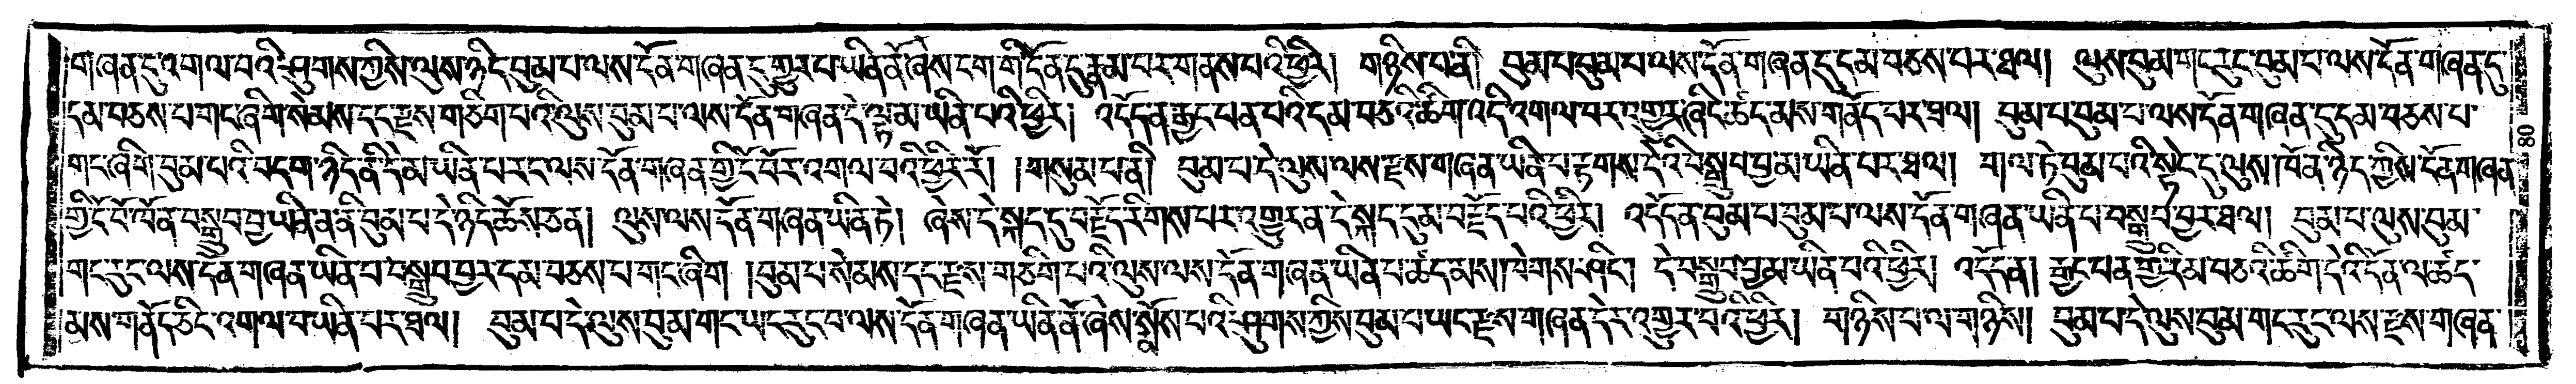གཞན་དུ་འགལ་བའི་ཤུགས་ཀྱིས་ལུས་ཉིད་བུམ་པ་ལས་དོན་གཞན་དུ་གྱུར་པ་ཡིན་ནོ་ཞེས་ངག་གི་དོན་དུ་རྣམ་པར་གནས་པའི་ཕྱིར། གཉིས་པ་ནི། བུམ་པ་བུམ་པ་ལས་དོན་གཞན་དུ་དམ་བཅས་པར་ཐལ། ལུས་བུམ་གང་རུང་བུམ་པ་ལས་དོན་གཞན་དུ་
དམ་བཅས་པ་གང་ཞིག་སེམས་དང་རྫས་གཅིག་པའི་ལུས་བུམ་པ་ལས་དོན་གཞན་དེ་ལྟ་མ་ཡིན་པའི་ཕྱིར། འདོད་ན་རྒྱང་པན་པའི་དམ་བཅའི་ཚིག་འདི་འགལ་བར་འགྱུར་ཞིང་ཚད་མས་གནོད་པར་ཐལ། བུམ་པ་བུམ་པ་ལས་དོན་གཞན་དུ་དམ་བཅས་པ་
གང་ཞིག་བུམ་པའི་བདག་ཉིད་ནི་དེ་མ་ཡིན་པ་རང་ལས་དོན་གཞན་གྱི་ངོ་བོར་འགལ་བའི་ཕྱིར་རོ། །གསུམ་པ་ནི། བུམ་པ་དེ་ལུས་ལས་རྫས་གཞན་ཡིན་པ་རྟགས་དེའི་བསྒྲུབ་བྱ་མ་ཡིན་པར་ཐལ། གལ་ཏེ་བུམ་པའི་སྟེང་དུ་ལུས་ཁོ་ན་ཉིད་ཀྱིས་དོན་གཞན་
གྱི་ངོ་བོ་ཁོ་ན་བསྒྲུབ་བྱ་ཡིན་ན་ནི་བུམ་པ་དེ་ཉིད་ཆོས་ཅན། ལུས་ལས་དོན་གཞན་ཡིན་ཏེ། ཞེས་དེ་སྐད་དུ་བརྗོད་རིགས་པར་འགྱུར་ན་དེ་སྐད་དུ་མ་བརྗོད་པའི་ཕྱིར། འདོད་ན་བུམ་པ་བུམ་པ་ལས་དོན་གཞན་ཡིན་པ་བསྒྲུབ་བྱར་ཐལ། བུམ་པ་ལུས་བུམ་
གང་རུང་ལས་དོན་གཞན་ཡིན་པ་བསྒྲུབ་བྱར་དམ་བཅས་པ་གང་ཞིག །བུམ་པ་སེམས་དང་རྫས་གཅིག་པའི་ལུས་ལས་དོན་གཞན་ཡིན་པ་ཚད་མས་ཁེགས་ཤིང་། དེ་བསྒྲུབ་བྱ་མ་ཡིན་པའི་ཕྱིར། འདོད་ན། རྒྱང་པ་ན་གྱ་རིམ་བཅའི་ཚིག་དེའི་དོན་ལ་ཚད་
མས་གནོད་ཅིང་འགལ་བ་ཡིན་པར་ཐལ། བུམ་པ་དེ་ལུས་བུམ་གང་ཡང་རུང་བ་ལས་དོན་གཞན་ཡིན་ནོ་ཞེས་སྨོས་པའི་ཤུགས་ཀྱིས་བུམ་པ་ཡང་རྫས་གཞན་དེར་འགྱུར་བའི་ཕྱིར། གཉིས་པ་ལ་གཉིས། བུམ་པ་དེ་ལུས་བུམ་གང་རུང་ལས་རྫས་གཞན་